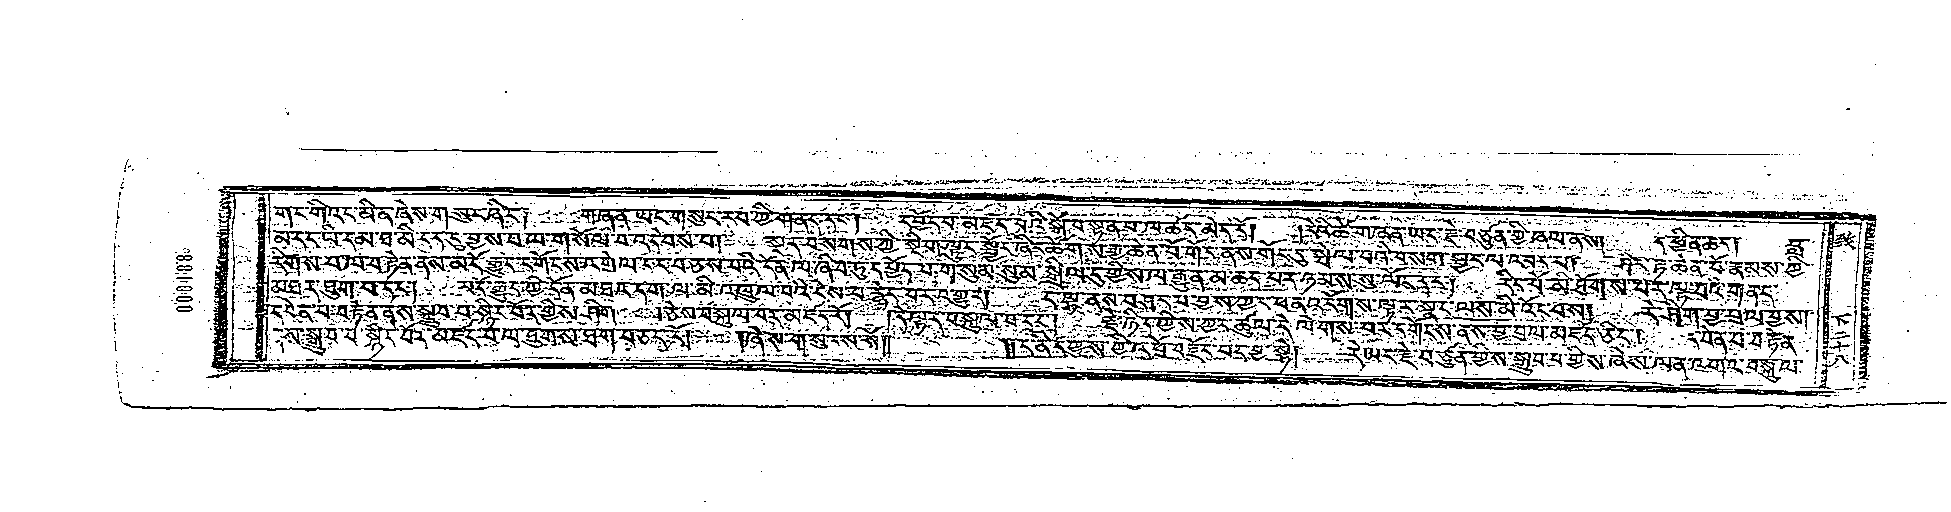གང་གིའང་མིན་ཞེས་གསུང་ཞིང་། གཞན་ཡང་གསུང་རབ་ཀྱི་གནད་དང་། དཔྱོད་པ་མཛད་པའི་སྒོ་བསྟན་བ་ལ་ཚད་མེད་དོ། །དེའི་ཚེ་གཞན་ཡང་རྗེ་བཙུན་གྱི་ཞལ་ནས། ད་ཕྱིན་ཆད། བླ་
མ་དང་ཡི་དམ་ཐ་མི་དང་དུ་བྱས་པ་ལ་གསོལ་བ་འདེབས་པ། སྔར་བསགས་ཀྱི་སྡིག་ལྟུང་སྦྱོང་ཞིང་ཚོགས་རྒྱ་ཆེན་པོ་གོང་ནས་གོང་དུ་སྤེལ་བའི་བསག་སྦྱང་ལ་འབར་པ། ཤིང་རྟ་ཆེན་པོ་རྣམས་ཀྱི་
རིགས་པ་ལ་བརྟེན་ནས་མདོ་རྒྱུད་དགོངས་འགྲེལ་དང་བཅས་པའི་དོན་ལ་ཞིབ་ཏུ་དཔྱོད་པ་གསུམ་སུམ་སྒྲིལ་དུ་གྱིས་ལ་རྒྱུན་མ་ཆད་པར་ཉམས་སུ་ལོང་དང་། རིང་པོ་མི་ཐོགས་པར་ལྟ་བའི་གནད་
མཐར་ཐུག་བ་དང་། མདོ་རྒྱུད་ཀྱི་དོན་མཐའ་དག་ལ་མི་འཁྲུལ་བའི་ངེས་པ་རྙེད་བར་འགྱུར། ད་ལྟ་ནས་བཤད་པ་བྱས་ཀྱང་ཕན་འདོགས་ལྟར་སྣང་ལས་མི་འོང་བས། རེ་ཤིག་བྱ་བྲལ་བྱས།
དབེན་པ་བརྟེན་ནས་སྒྲུབ་བ་སྙིང་བོར་གྱིས་ཤིག །ཅེས་བསྐུལ་བར་མཛད་དོ། །དེ་ལྟར་བསྐུལ་པ་དང་། རྗེ་ཉིད་ཀྱིས་ཀྱང་ཚུལ་དེ་ལེགས་པར་དགོངས་ནས་བྱ་བྲལ་མཛད་ཅིང་། དབེན་བ་བརྟེན་
རྗེ་བཙུན་གྱིས་སྒྲུབ་པ་གྱིས་ཞེས་ལན་འགའ་བསྐུལ་གསུངས་སོ།། །།ད་ནི་དཀྱུས་ཀྱི་འཕྲོ་བརྗོད་བར་བྱ་སྟེ། རེ་ཡང་རྗེ་བཙུན་གྱིས་སྒྲུབ་པ་གྱིས་ཞེས་ལན་འགའ་བསྐུལ་